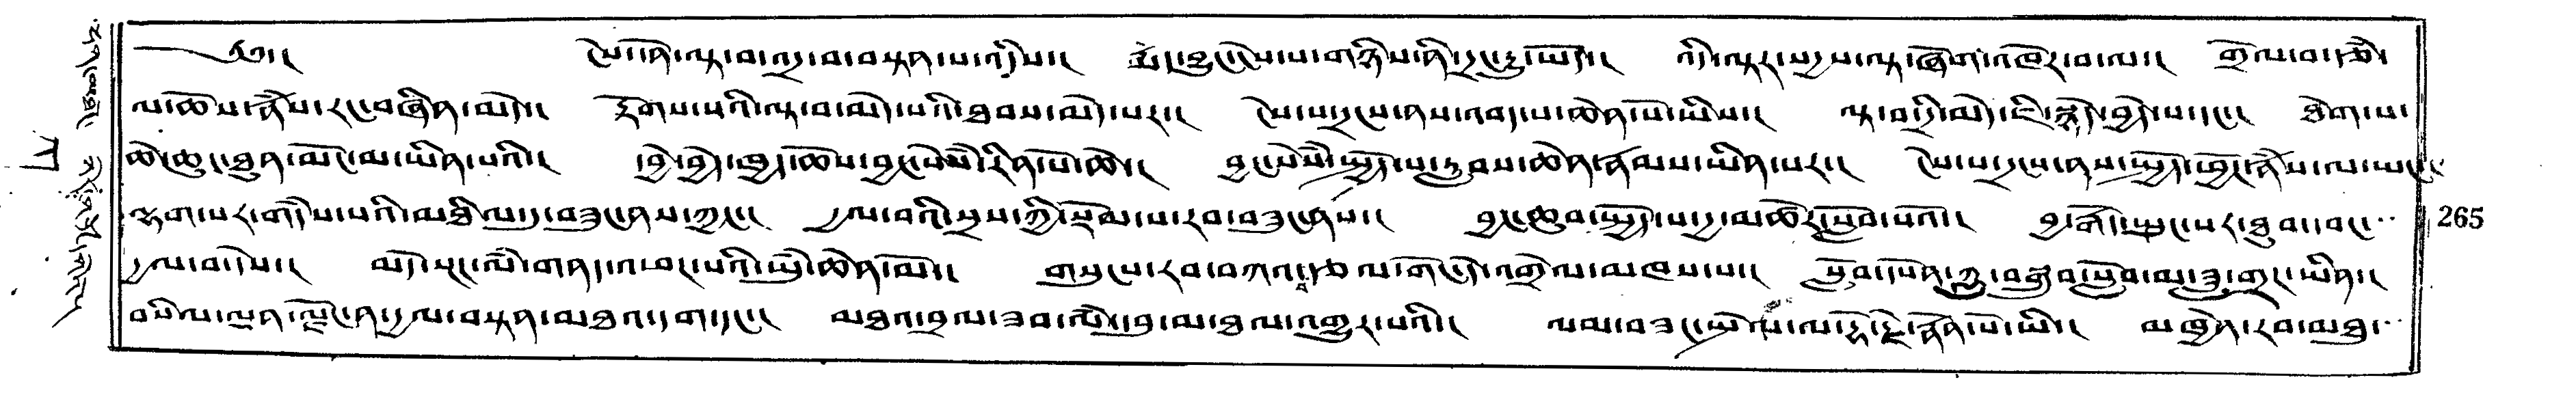ངེས་དོན་ལྟ་བ་འདྲ་བ་བསྟན་པ་འདིས། །རྨད་བྱུང་ངེས་པ་གཉིས་ནི་དྲང་རྒྱུ་ཡོད། །འདི་ལྟར་སངས་རྒྱས་ལྟ་ཞོག་འཁོར་བ་ལ། །གྲོལ་བ་ཙམ་
ལ་ཆོས་རྣམས་རང་བཞིན་མེད། །རྟོགས་པའི་ལྟ་བ་མེད་པའི་ཐབས་མེད་པར། །ངེས་པ་དྲངས་ནས་འབད་པ་ཆེན་པོ་ཡིས། །ལྟ་བ་དྲི་མེད་ཇི་སྙེད་བྱེད་པ་དང་། །ཐེག་པ་
ཆེ་ཆུང་ཐུན་མོང་མ་ཡིན་པའི། །དབྱེ་འབྱེད་ཁྱད་ཆོས་བྱང་སེམས་རིན་པོ་ཆེ། །བྱང་སེམས་སྤྱོད་པ་རླབས་ཆེན་རྣམས་ཡིན་པར། །ངེས་པ་དྲངས་ནས་སྤྱོད་ཕྱོགས་རྣམས་ལ་ཡང་། །
ལྷག་པར་གདམས་པའི་མཐིལ་དུ་བཟུང་ནས་ཀྱང་། །རྒྱལ་བའི་སྲས་ཀྱི་སྡོམ་པ་རབ་བཟུང་ནས། །བྱང་ཆུབ་སྤྱོད་པ་རྒྱ་མཚོར་སློབ་པའོ། །བྱ་རྒོད་སྤུངས་པར་ཐུབ་དབང་
རྒྱལ་བ་དེས། །མདོ་སྔགས་ལམ་གནད་འཕགས་པའི་ཡུམ་ཆེན་མོ། །གསུང་རབ་བཀའ་བརྩལ་གང་དེ་འགྲེལ་མཁས་པ། །སློབ་དཔོན་ཀླུ་སྒྲུབ་སློབ་མ་ཟླ་གྲགས་ཡིན། །
བསིལ་ལྡན་ལྗོངས་ན་རྒྱལ་བསྟན་མཐའ་དག་དང་། །མཐའ་བྲལ། ཟབ་ལམ་དབུ་མ་ཐལ་འགྱུར་པའི། །ལམ་བཟང་སྤེལ་ལ་རྡོ་རྗེ་རྣོན་པོ་ཡི། །མཁྱེན་རབ་མཐུ་